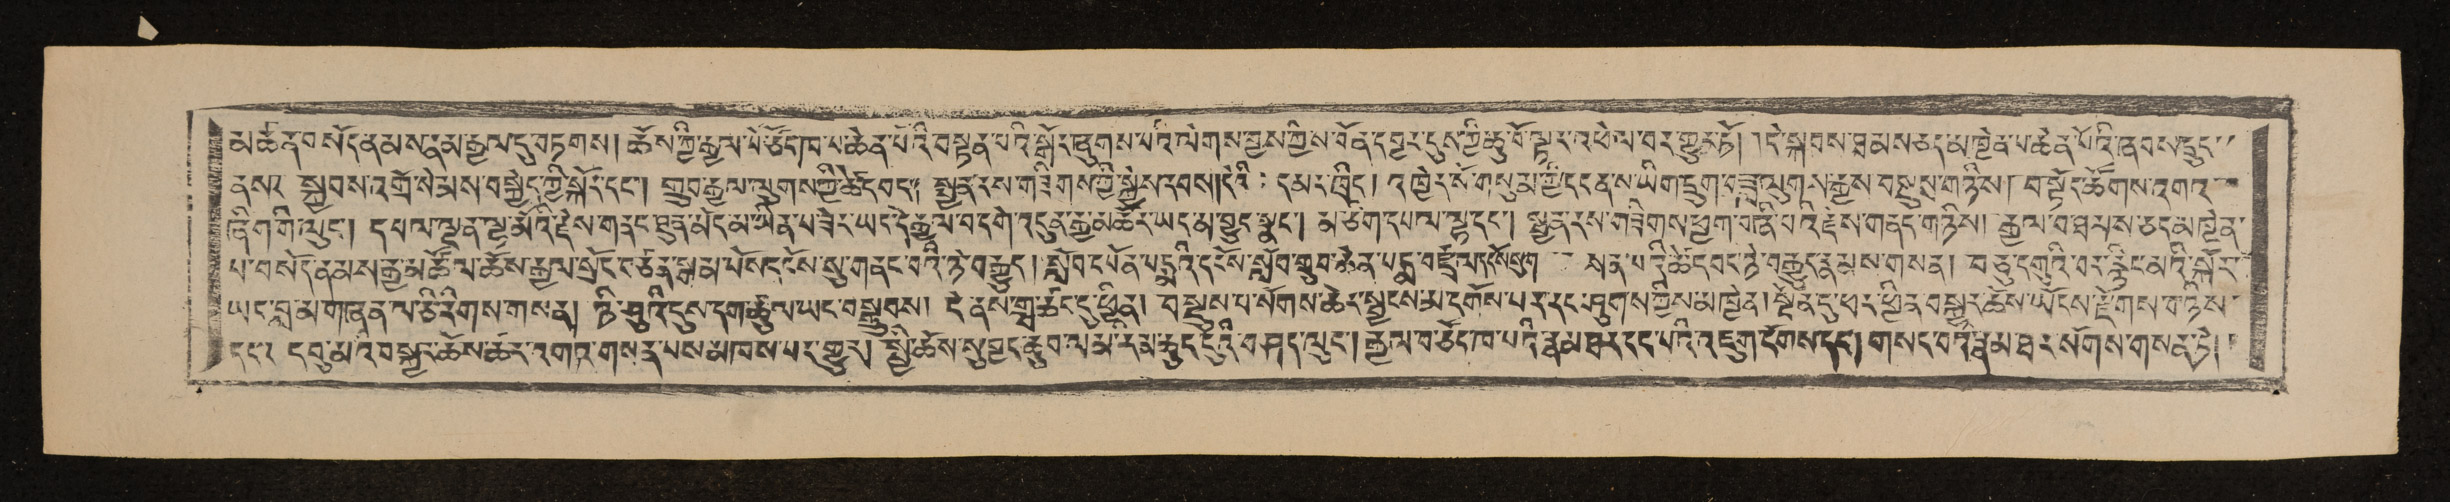མཚན་བསོད་ནམས་རྣམ་རྒྱལ་དུ་བཏགས། ཆོས་ཀྱི་རྒྱལ་པོ་ཙོང་ཁ་པ་ཆེན་པོའི་བསྟན་པའི་སྒོར་ཞུགས་པའི་ལེགས་བྱས་ཀྱི་ས་བོན་དབྱར་དུས་ཀྱི་ཆུ་བོ་ལྟར་འཕེལ་བར་གྱུར་ཏོ། །དེ་སྐབས་ཐམས་ཅད་མཁྱེན་པ་ཆེན་པོའི་ཞབས་དྲུང་
ནས༑ སྐྱབས་འགྲོ་སེམས་བསྐྱེད་ཀྱི་སྐོར་དང་། གྲུབ་རྒྱལ་ལུགས་ཀྱི་ཚེ་དབང་། སྤྱན་རས་གཟིགས་ཀྱི་སྐྱེས་རབས། དེའི་དམར་ཁྲིད། འཁྱེར་སོ་གསུམ་གྱི་ངང་ནས་ཡིག་དྲུག་བཟླ་ལུགས་རྒྱས་བསྡུས་གཉིས། བསྟོད་ཚོགས་འགའ་
ཞིག་གི་ལུང་། དཔལ་ལྡན་ལྷ་མོའི་རྗེས་གནང་ཐུན་མོང་མ་ཡིན་པ་ཟེར་ཡང་དེ་རྒྱལ་བ་དགེ་འདུན་རྒྱ་མཚོར་ཡང་མ་བྱུང་སྣང་། མ་ཅིག་དཔལ་ལྷ་དང་། སྤྱན་རས་གཟིགས་ཕྱག་བཞི་པའི་རྗེས་གནང་གཉིས། རྒྱལ་བ་ཐམས་ཅད་མཁྱེན་
པ་བསོད་ནམས་རྒྱ་མཚོ་ལ་ཆོས་རྒྱལ་སྲོང་བཙན་སྒམ་པོས་དངོས་སུ་གནང་བའི་ཉེ་བརྒྱུད། སློབ་དཔོན་པདམའི་དངོས་སློབ་གྲུབ་ཆེན་པདམ་བཛྲ་ལ་དངོས་སུ་གསན་པའི་ཚེ་དབང་ཉེ་བརྒྱུད་རྣམས་གསན། བཅུ་དགུའི་བར་རྙིང་མའི་སྐོར་
ཡང་བླ་མ་གཞན་ལ་ཅི་རིགས་གསན། ཉི་ཤུའི་དུས་དགེ་ཚུལ་ཡང་བསྒྲུབས། དེ་ནས་གྲྭ་ཚང་དུ་ཕྱིན། བསྡུས་པ་སོགས་ཆེར་སྦྱངས་མ་དགོས་པར་རང་ཤུགས་ཀྱིས་མཁྱེན། སྔོན་དུ་ཕར་ཕྱིན་བསྐྱར་ཆོས་ཡོངས་རྫོགས་གཉིས་
དང༑ དབུ་མའི་བསྐྱར་ཆོས་ཚར་འགའ་གསན་པས་མཁས་པར་གྱུར། སྤྱི་ཆོས་སུ་བྱང་ཆུབ་ལམ་རིམ་ཆུང་ངུའི་བཤད་ལུང་། རྒྱལ་བ་ཙོང་ཁ་པའི་རྣམ་ཐར་དད་པའི་འཇུག་ངོགས་དང་། གསང་བའི་རྣམ་ཐར་སོགས་གསན་ཏེ།